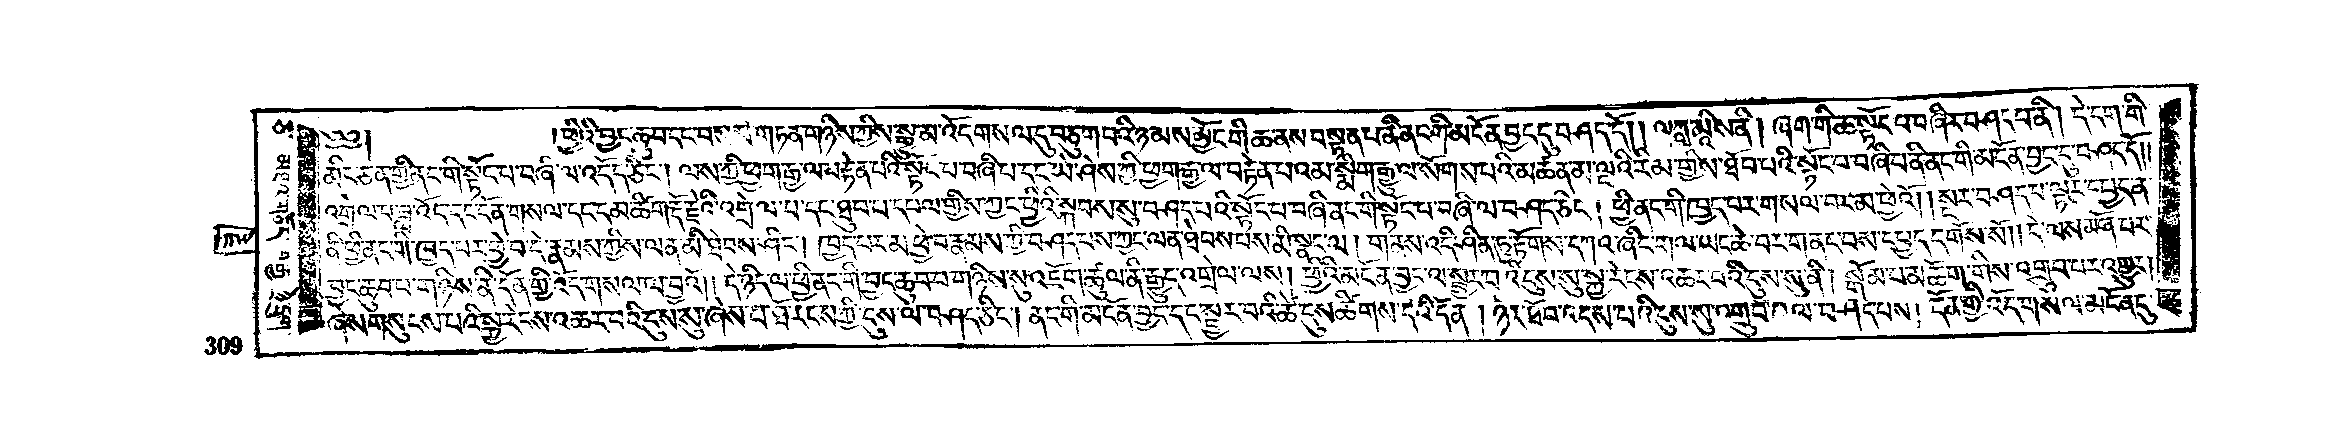༄༅། །ཕྱིའི་བྱང་ཆུབ་དང་བསམ་གཏན་གཉིས་ཀྱིས་སྒྱུ་མ་འོད་གསལ་དུ་བཅུག་པའི་ཉམས་མྱོང་གི་ཆ་ནས་བསྟན་པ་ནི་ནང་གི་མངོན་བྱང་དུ་བཤད་དོ། །ལཀྵ་མཱིས་ནི། ཞག་གི་ཆ་སྟོང་པ་བཞིར་བཤད་པ་ནི། དེ་དག་གི་
མིང་ཅན་གྱི་ནང་གི་སྟོང་པ་བཞི་ལ་འདོད་ཅིང་། ལས་ཀྱི་ཕྱག་རྒྱ་ལ་བརྟེན་པའི་སྟོང་པ་བཞི་པ་དང་ཡེ་ཤེས་ཀྱི་ཕྱག་རྒྱ་ལ་བརྟེན་པའམ་སྨིག་རྒྱུ་ལ་སོགས་པའི་མཚན་མ་ལྔའི་རིམ་གྱིས་ཐོབ་པའི་སྟོང་པ་བཞི་པ་ནི་ནང་གི་མངོན་བྱང་དུ་བཤད་དོ། །
འགྲེལ་པ་ཟླ་འོད་དང་དོན་གསལ་དང་དམ་ཚིག་རྡོ་རྗེའི་འགྲེལ་པ་དང་ཐུབ་པ་དཔལ་གྱིས་ཀྱང་ཕྱིའི་སྐབས་སུ་བཤད་པའི་སྟོང་པ་བཞི་ནང་གི་སྟོང་པ་བཞི་ལ་བཤད་ཅིང་། ཕྱི་ནང་གི་ཁྱད་པར་གསལ་བར་མ་ཕྱེའོ། །སྔར་བཤད་པ་ལྟར་དཔྱད་ན་
ནི་ཕྱི་ནང་གི་ཁྱད་པར་ཕྱེ་བ་དེ་རྣམས་ཀྱིས་ལན་མི་ཐེབས་ཤིང་། ཁྱད་པར་མ་ཕྱེ་བ་རྣམས་ཀྱི་བཤད་པས་ཀྱང་ལན་ཐེབས་པས་མི་སྣང་ལ། གནས་འདི་ཤིན་ཏུ་རྟོགས་དཀའ་ཞིང་གལ་ཡང་ཆེ་བར་གནང་བས་དཔྱད་དགོས་སོ། །དེ་ལས་མངོན་པར་
བྱང་ཆུབ་པ་གཉིས་ནི་དོན་གྱི་འོད་གསལ་ལ་བྱའོ། །དེ་ཉིད་ལ་ཕྱི་ནང་གི་བྱང་ཆུབ་པ་གཉིས་སུ་འཇོག་ཚུལ་ནི་རྒྱུད་འགྲེལ་ལས། ཕྱིའི་མངོན་བྱང་ལ་སྦྱར་བའི་དུས་སུ་སྐྱ་རེངས་འཆར་བའི་དུས་སུ་ནི། སྒོམ་པ་མཆོག་གིས་འགྲུབ་པར་འགྱུར།
ཞེས་གསུངས་པའི་སྐྱ་རེངས་འཆར་བའི་དུས་སུ་ཞེས་པ་ཐོ་རངས་ཀྱི་དུས་ལ་བཤད་ཅིང་། ནང་གི་མངོན་བྱང་དང་སྦྱར་བའི་ཚེ་དུས་ཚིགས་དེའི་དོན། ཉེར་ཐོབ་འདས་པའི་དུས་སུ་འགྲུབ་པ་ལ་བཤད་པས། དོན་གྱི་འོད་གསལ་མངོན་དུ་